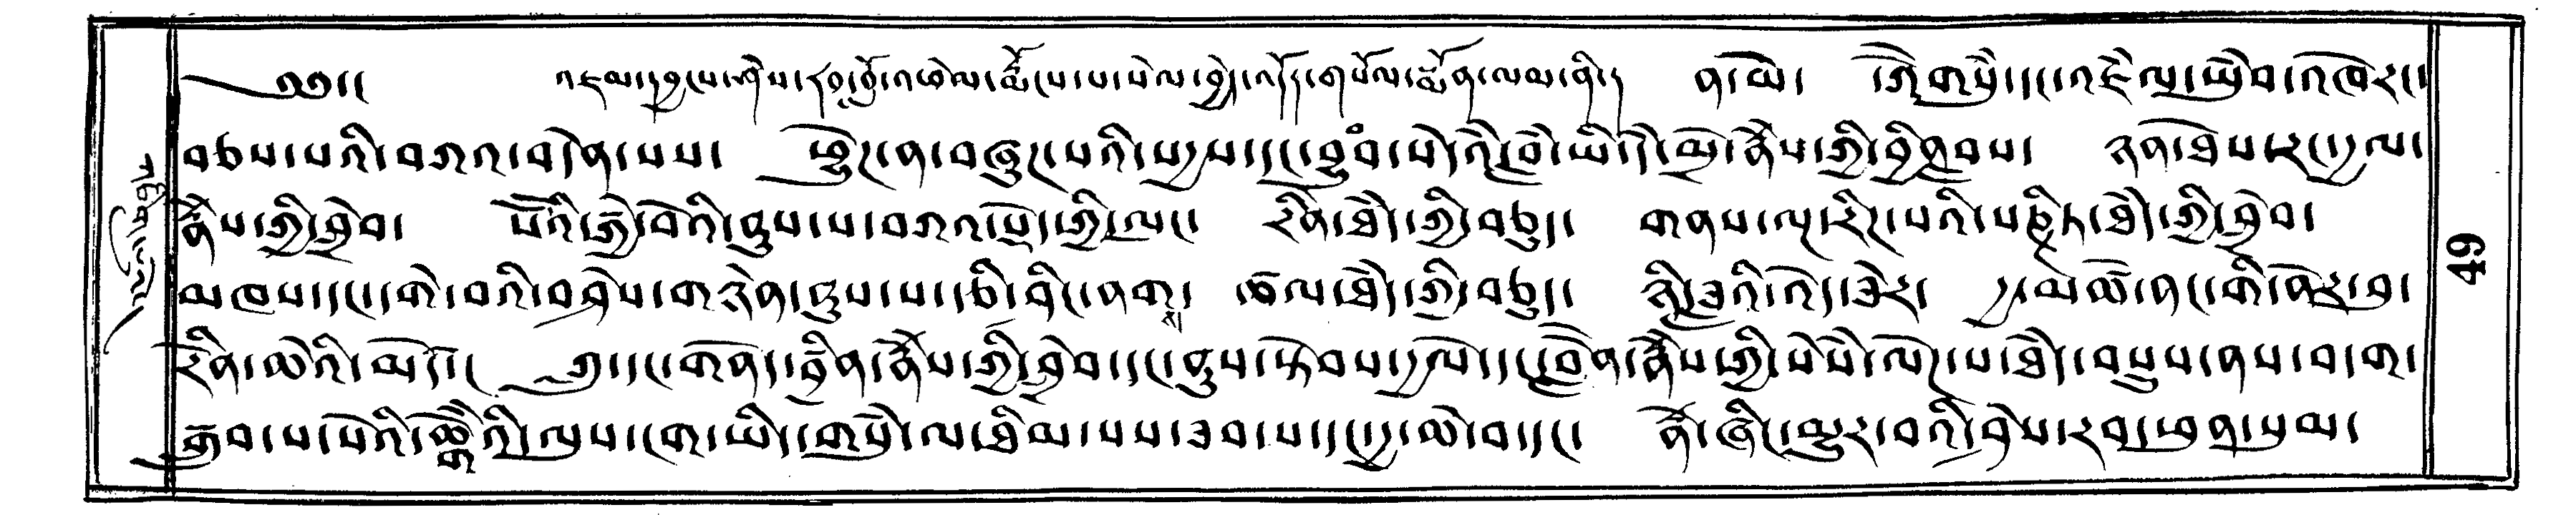༄༅། འཇམ་དབྱངས་ཤེས་རབ་བློ་འཕེལ་རྨོངས་པ་སེལ་བྱེད་འདོད་གསོལ་སྨོན་ལམ་ནི། ན་མོ། དཀོན་མཆོག་གསུམ་དང་འཇམ་དཔལ་ཡབ་ཡུམ་འཁོར་དང་
བཅས་པའི་བཀའ་བདེན་པས། ཕྱོགས་བཅུ་ན་བཞུགས་པའི་སངས་རྒྱས་དང་བྱང་ཆུབ་སེམས་དཔའ། བླ་མ་ཡི་དམ་མཁའ་འགྲོ་རྣམས་ཀྱི་བྱིན་རླབས། ཉན་ཐོས་རང་རྒྱལ་
རྣམས་ཀྱི་ཤེས་རབ། སོ་སོ་སྐྱེ་བོའི་ནུས་པ། བཀའ་སྡོད་ཀྱི་ལུང་། རིན་ཆེན་ཐམས་ཅད་ཀྱི་བཅུད། གནས་ལྔ་རིག་པའི་པཎྜིཏ་ཐམས་ཅད་ཀྱི་ཤེས་རབ། 
མཁས་པ་དང་དགེ་བའི་བཤེས་གཉེན་གྱི་ནུས་པ། རྩི་ཤིང་ནགས་ཚལ་ཐམས་ཅད་ཀྱི་བཅུད། ཉི་ཟླའི་འོད་ཟེར། རྒྱ་མཚོའི་ནང་གི་ནོར་བུ་
རིན་པོ་ཆེའི་མཛོད། ཀླུ་དང་གནོད་སྦྱིན་རྣམས་ཀྱི་ཤེས་རབ་དང་ནུས་སྟོབས། རྒྱལ་པོ་དང་བླ་དཔོན་རྣམས་ཀྱི་སེམས་ལ་སོགས་པ་ཐམས་ཅད་བསྡུས་ནས་བདག་
སྒྲུབ་པ་པོ་ཆེ་གེ་མོའི་ལུས་ངག་ཡིད་གསུམ་ལ་ཐིམ་པས་ཟབ་པ་དང་རྒྱ་ཆེ་བ་དང་། རྣོ་ཞིང་མྱུར་བའི་ཤེས་རབ་ཕུན་སུམ་